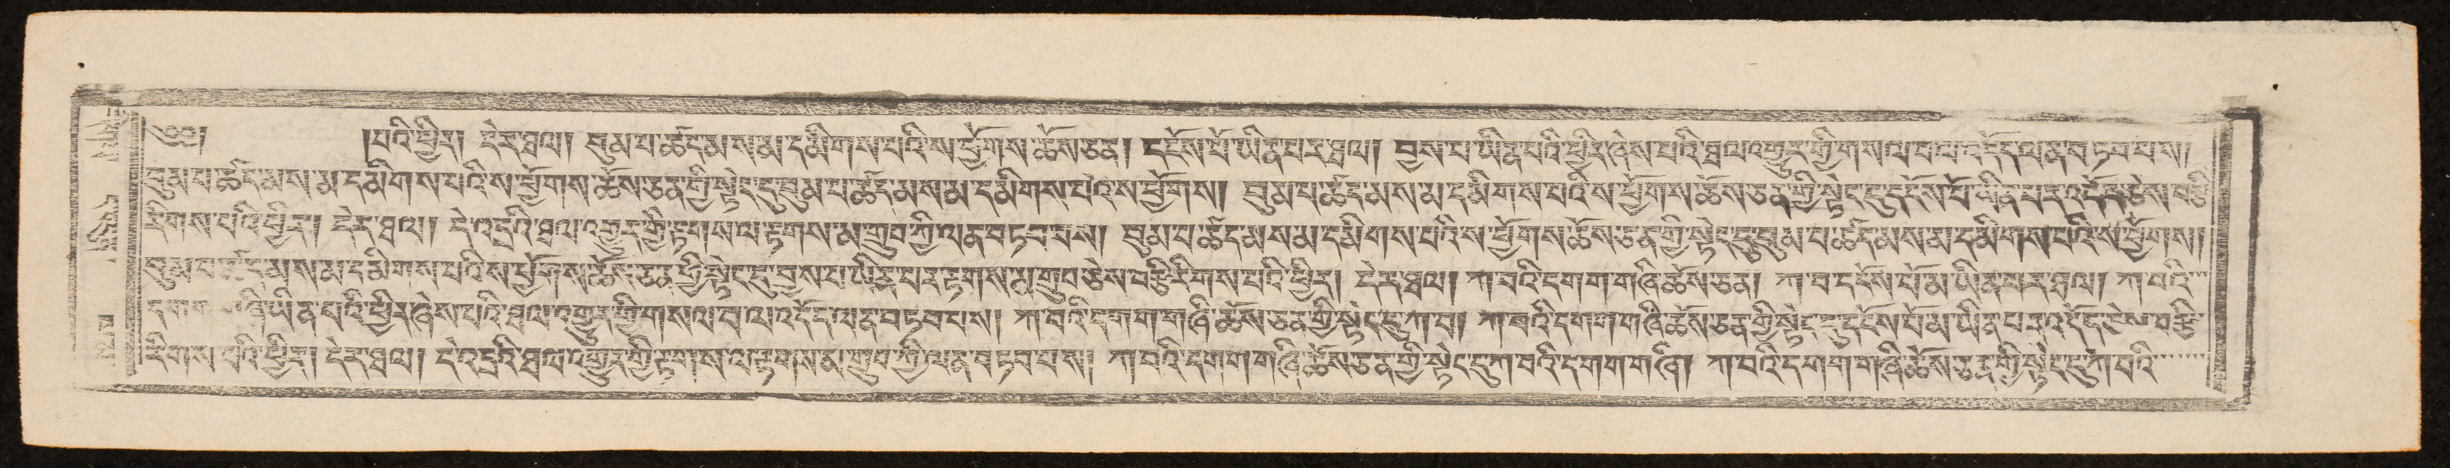༄༅། །པའི་ཕྱིར། དེར་ཐལ། བུམ་པ་ཚད་མས་མ་དམིགས་པའི་ས་ཕྱོགས་ཆོས་ཅན། དངོས་པོ་ཡིན་པར་ཐལ། བྱས་པ་ཡིན་པའི་ཕྱིར་ཞེས་པའི་ཐལ་འགྱུར་གྱི་གསལ་བ་ལ་འདོད་ལན་བཏབ་པས།
བུམ་པ་ཚད་མས་མ་དམིགས་པའི་ས་ཕྱོགས་ཆོས་ཅན་གྱི་སྟེང་དུ་བུམ་པ་ཚད་མས་མ་དམིགས་པའི་ས་ཕྱོགས། བུམ་པ་ཚད་མས་མ་དམིགས་པའི་ས་ཕྱོགས་ཆོས་ཅན་གྱི་སྟེང་དུ་དངོས་པོ་ཡིན་པར་འདོད་ཅེས་བརྩི་
རིགས་པའི་ཕྱིར། དེར་ཐལ། དེ་འདྲའི་ཐལ་འགྱུར་གྱི་རྟགས་ལ་རྟགས་མ་གྲུབ་ཀྱི་ལན་བཏབ་པས། བུམ་པ་ཚད་མས་མ་དམིགས་པའི་ས་ཕྱོགས་ཆོས་ཅན་གྱི་སྟེང་དུ་བུམ་པ་ཚད་མས་མ་དམིགས་པའི་ས་ཕྱོགས།
བུམ་པ་ཚད་མས་མ་དམིགས་པའི་ས་ཕྱོགས་ཆོས་ཅན་གྱི་སྟེང་དུ་བྱས་པ་ཡིན་པར་རྟགས་པར་རྟགས་མ་གྲུབ་ཅེས་བརྩི་རིགས་པའི་ཕྱིར། དེར་ཐལ། ཀ་བའི་དགག་གཞི་ཆོས་ཅན། ཀ་བ་དངོས་པོ་མ་ཡིན་པར་ཐལ། ཀ་བའི་
དགག་གཞི་ཡིན་པའི་ཕྱིར་ཞེས་པའི་ཐལ་འགྱུར་གྱི་གསལ་བ་ལ་འདོད་ལན་བཏབ་པས། ཀ་བའི་དགག་གཞི་ཆོས་ཅན་གྱི་སྟེང་དུ་ཀ་བ། ཀ་བའི་དགག་གཞི་ཆོས་ཅན་གྱི་སྟེང་དུ་དངོས་པོ་མ་ཡིན་པར་འདོད་ཅེས་བརྩི་
རིགས་པའི་ཕྱིར། དེར་ཐལ། དེ་འདྲའི་ཐལ་འགྱུར་གྱི་རྟགས་ལ་རྟགས་མ་གྲུབ་ཀྱི་ལན་བཏབ་པས། ཀ་བའི་དགག་གཞི་ཆོས་ཅན་གྱི་སྟེང་དུ་ཀ་བའི་དགག་གཞི། ཀ་བའི་དགག་གཞི་ཆོས་ཅན་གྱི་སྟེང་དུ་ཀ་བའི་